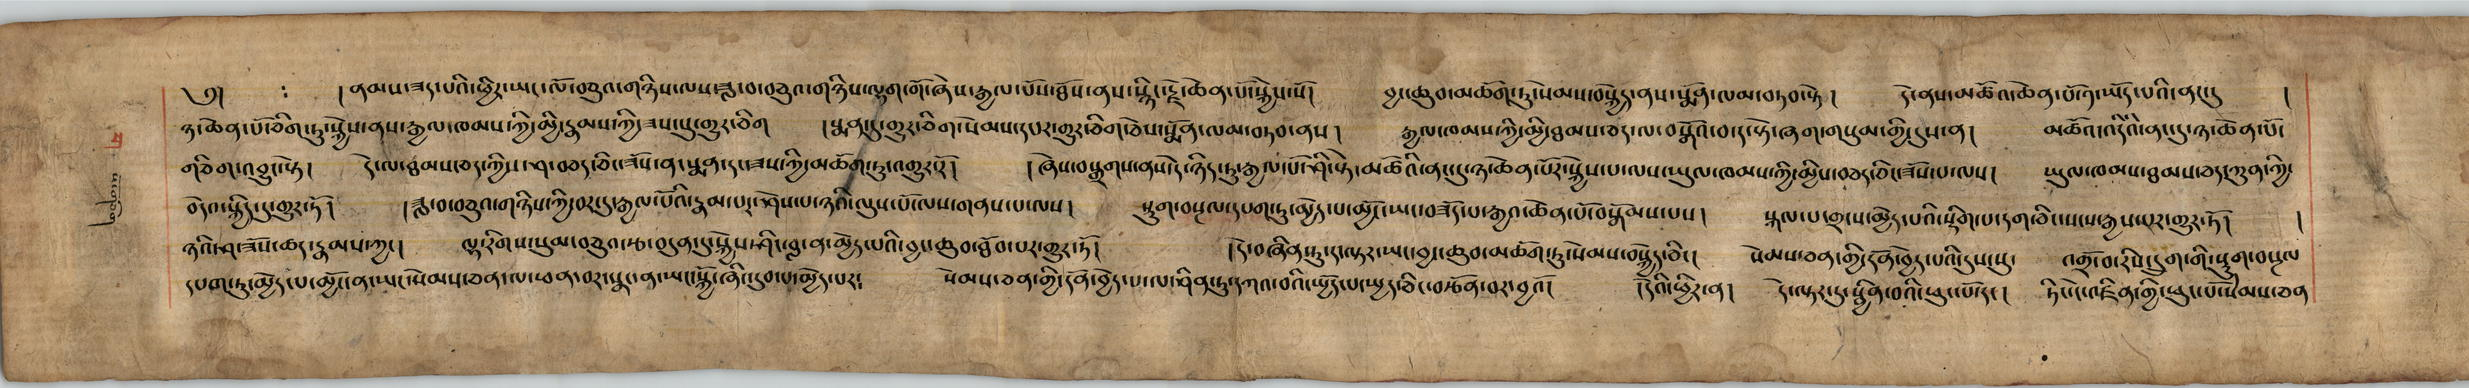༅། །ནམས་ཟད་པའི་ཕྱིར་ཡང་ལོ་བཅུ་གཉིས་ལས་ཟླ་བ་བཅུའ་གཉིས་ལྷག་གོ་ཞེས་རྒྱལ་པོས་ཐོས་ནས་སྙིང་རྗེ་ཆེན་པོ་སྐྱེས་སོ། བྱང་ཆུབ་མཆོག་ཏུ་སེམས་བསྐྱེད་ནས་སྨོན་ལམ་བཏབ་སྟེ། དེ་ནས་མཚོའ་ཆེན་པོ་ན་ཡོད་པའི་ནང་དུ
ཉ་ཆེན་པོ་ཅིག་ཏུ་སྐྱེས་ནས་རྒྱལ་ཁམས་ཀྱི་མྱི་རྣམས་ཀྱི་ཟས་སུ་གྱུར་ཅིག །སྨན་དུ་གྱུར་ཅིག་སེམས་དཔར་གྱུར་ཅིག་ཅེས་སྨོན་ལམ་བཏབ་ནས། རྒྱལ་ཁམས་ཀྱི་མྱི་ཐམས་ཅད་ལ་བསྒོའ་བ་ད་སྟེ་ཞག་གསུམ་གྱི་དུས་ན། མཚོའ་འདིའི་ནང་དུ་ཉ་ཆེན་པོ་
གཅིག་འབྱུང་སྟེ། དེ་ལ་ཐམས་ཅད་ཀྱིས་ཤ་བཅད་ཅིང་ཟོས་ན་སྨན་དང་ཟས་ཀྱི་མཆོག་ཏུ་འགྱུར་རོ། །ཞེས་བསྒྲགས་ནས་དེ་ཉིད་དུ་རྒྱལ་པོ་ཤི་སྟེ་མཚོའི་ནང་དུ་ཉ་ཆེན་པོར་སྐྱེས་པ་ལས་ཡུལ་ཁམས་ཀྱི་མྱིས་བཅད་ཅིང་ཟོས་པ་ལས། ཡུལ་ཁམས་ཐམས་ཅད་ཀུན་ཀྱི་
བདེའ་སྐྱིད་དུ་གྱུར་ཏོ། །ཟླ་བ་བཅུའ་གཉིས་ཀྱི་བར་དུ་རྒྱལ་པོའི་རྣམ་པར་ཤེས་པ་ཉའི་ལུས་པོ་ལས་གནས་པ་ལས། སྡུག་བསྔལ་དཔག་ཏུ་མྱེད་པ་མྱོང་ཡང་བཟོད་པ་རྒྱའ་ཆེན་པོ་བསྒོམས་པས། སྐལ་བ་གྲངས་མྱེད་པའི་སྡིག་པ་དག་ཅིང་སངས་རྒྱས་པར་གྱུར་ཏོ།
ཉའི་ཤ་ཟོས་ཆད་རྣམས་ཀྱང། ལྷ་རིགས་སུམ་བཅུའ་རྩ་བདུན་དུ་སྐྱེས་ཤིང་བླ་ན་མྱེད་པའི་བྱང་ཆུབ་ཐོབ་པར་གྱུར་ཏོ། །དེ་བཞིན་ཏུ་ད་ལྟར་ཡང་བྱང་ཆུབ་མཆོག་ཏུ་སེམས་བསྐྱེད་ཅིང། སེམས་ཅན་གྱི་དོན་བྱེད་པའི་དུས་སུ། འགྲོ་བ་རིས་དྲུག་གི་སྡུག་བསྔལ
དཔག་ཏུ་མྱེད་པ་མྱོང་ན་ཡང་སེམས་ཅན་ལ་ཕན་བར་སྣང་ན་ཡང་སྐྱོ་ཞིང་དུབ་པ་མྱེད་པར༴ སེམས་ཅན་གྱི་དོན་བྱེད་པ་ལ་ཤིན་ཏུ་དཀའ་བའི་སྤྱོད་པ་སྤྱད་ཅིང་བརྩོན་བར་བྱའོ། །དེའི་ཕྱིར་ན། དེ་ལྟར་དུ་སྦྱིན་བའི་ཕུང་པོ་དང། ཏེང་ངེ་འཛིན་གྱི་ཕུང་པོ་སེམས་ཅན